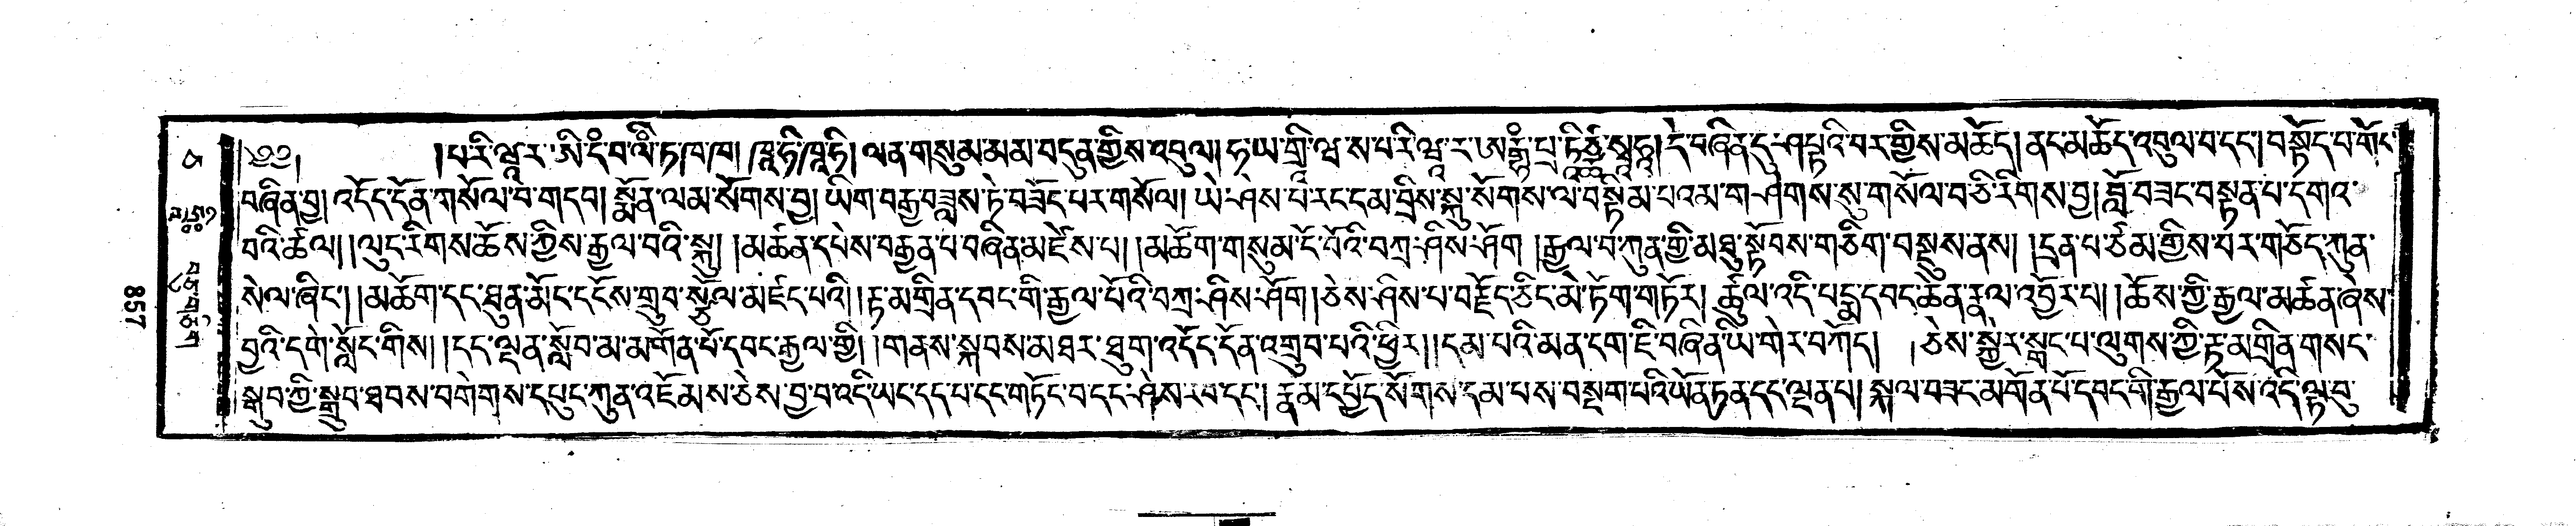༄༅། །པ་རི་ཝ་ར་ཨི་དཾ་བ་ལིཾ་ཏ་ཁ་ཁ། ཁཱ་ཧི་ཁཱ་ཧི། ལན་གསུམ་མམ་བདུན་གྱིས་འབུལ། ཧ་ཡ་གྲི་ཝ་ས་པ་རི་ཝཱ་ར་ཨརྒྷཾ་པྲ་ཏཱིཙྪ་སྭཱཧཱ། དེ་བཞིན་དུ་ཤཔྟའི་བར་གྱིས་མཆོད། ནང་མཆོད་འབུལ་བ་དང་། བསྟོད་པ་གོང་
བཞིན་བྱ། འདོད་དོན་གསོལ་བ་གདབ། སྨོན་ལམ་སོགས་བྱ། ཡིག་བརྒྱ་བཟླས་ཏེ་བཟོད་པར་གསོལ། ཡེ་ཤེས་པ་རང་ངམ་བྲིས་སྐུ་སོགས་ལ་བསྟིམ་པའམ་གཤེགས་སུ་གསོལ་བ་ཅི་རིགས་བྱ། བློ་བཟང་བསྟན་པ་དགའ་
བའི་ཚལ། །ལུང་རིགས་ཆོས་ཀྱིས་རྒྱལ་བའི་སྐུ། །མཚན་དཔེས་བརྒྱན་པ་བཞིན་མཛེས་པ། །མཆོག་གསུམ་ངོ་བོའི་བཀྲ་ཤིས་ཤོག །རྒྱལ་བ་ཀུན་གྱི་མཐུ་སྟོབས་གཅིག་བསྡུས་ནས། །དྲན་པ་ཙམ་གྱིས་བར་གཅོད་ཀུན་
སེལ་ཞིང་། །མཆོག་དང་ཐུན་མོང་དངོས་གྲུབ་སྩོལ་མཛད་པའི། །རྟ་མགྲིན་དབང་གི་རྒྱལ་པོའི་བཀྲ་ཤིས་ཤོག །ཅེས་ཤིས་པ་བརྗོད་ཅིང་མེ་ཏོག་གཏོར། ཚུལ་འདི་པདམ་དབང་ཆེན་རྣལ་འབྱོར་མ། །ཆོས་ཀྱི་རྒྱལ་མཚན་ཞེས་
བྱའི་དགེ་སློང་གིས། །དད་ལྡན་སློབ་མ་མགོན་པོ་དབང་རྒྱལ་གྱི། །གནས་སྐབས་མཐར་ཐུག་འདོད་དོན་འགྲུབ་པའི་ཕྱིར། །དམ་པའི་མན་ངག་ཇི་བཞིན་ཡི་གེར་བཀོད། །ཅེས་སྐྱེར་སྒང་པ་ལུགས་ཀྱི་རྟ་མགྲིན་གསང་
སྒྲུབ་ཀྱི་སྒྲུབ་ཐབས་བགེགས་དཔུང་ཀུན་འཇོམས་ཅེས་བྱ་བ་འདི་ཡང་དད་པ་དང་གཏོང་བ་དང་ཤེས་རབ་དང་། རྣམ་དཔྱོད་སོགས་དམ་པས་བསྔག་པའི་ཡོན་ཏན་དང་ལྡན་པ། སྐལ་བཟང་མགོན་པོ་དབང་གི་རྒྱལ་པོས་འདི་ལྟ་བུ་